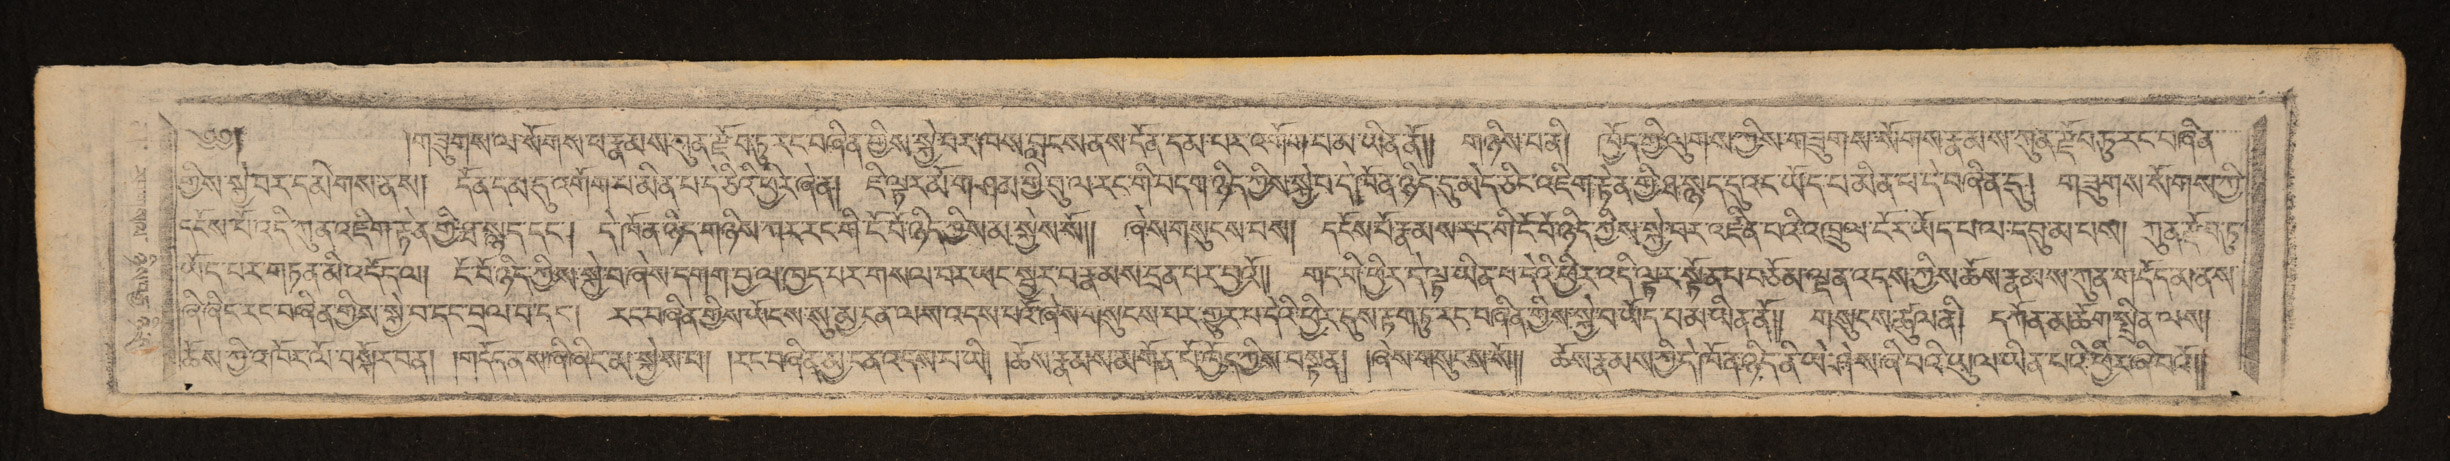༄༅། །གཟུགས་ལ་སོགས་པ་རྣམས་ཀུན་རྫོབ་ཏུ་རང་བཞིན་གྱིས་སྐྱེ་བར་ཁས་བླངས་ནས་དོན་དམ་པར་འགོག་པ་མ་ཡིན་ནོ།། གཉིས་པ་ནི། ཁྱོད་ཀྱི་ལུགས་ཀྱིས་གཟུགས་སོགས་རྣམས་ཀུན་རྫོབ་ཏུ་རང་བཞིན་
གྱིས་སྐྱེ་བར་དམིགས་ནས། དོན་དམ་དུ་འགོག་པ་མིན་པ་དེ་ཅིའི་ཕྱིར་ཞེ་ན། ཇི་ལྟར་མོ་གཤམ་གྱི་བུ་ལ་རང་གི་བདག་ཉིད་ཀྱིས་སྐྱེ་བ་དེ་ཁོ་ན་ཉིད་དུ་མེད་ཅིང་འཇིག་རྟེན་གྱི་ཐ་སྙད་དུའང་ཡོད་པ་མིན་པ་དེ་བཞིན་དུ། གཟུགས་སོགས་ཀྱི་
དངོས་པོ་འདི་ཀུན་འཇིག་རྟེན་གྱི་ཐ་སྙད་དང་། དེ་ཁོ་ན་ཉིད་གཉིས་ཀར་རང་གི་ངོ་བོ་ཉིད་ཀྱིས་མ་སྐྱེས་སོ།། ཞེས་གསུངས་པས། དངོས་པོ་རྣམས་རང་གི་ངོ་བོ་ཉིད་ཀྱིས་སྐྱེ་བར་འཛིན་པའི་འཁྲུལ་ངོར་ཡོད་པ་ལ་དབུ་མ་པས། ཀུན་རྫོབ་ཏུ་
ཡོད་པར་གཏན་མི་འདོད་ལ། ངོ་བོ་ཉིད་ཀྱིས་སྐྱེ་བ་ཞེས་དགག་བྱ་ལ་ཁྱད་པར་གསལ་བར་ཡང་སྦྱར་བ་རྣམས་དྲན་པར་བྱའོ།། གང་གི་ཕྱིར་དེ་ལྟ་ཡིན་པ་དེའི་ཕྱིར་འདི་ལྟར་སྟོན་པ་བཅོམ་ལྡན་འདས་ཀྱིས་ཆོས་རྣམས་ཀུན་གདོད་མ་ནས་
ཞི་ཞིང་རང་བཞིན་གྱིས་སྐྱེ་བ་དང་བྲལ་བ་དང་། རང་བཞིན་གྱིས་ཡོངས་སུ་མྱ་ངན་ལས་འདས་པའོ་ཞེས་གསུངས་པར་གྱུར་པ་དེའི་ཕྱིར་དུས་རྟག་ཏུ་རང་བཞིན་གྱིས་སྐྱེ་བ་ཡོད་པ་མ་ཡིན་ནོ།། གསུངས་ཚུལ་ནི། དཀོན་མཆོག་སྤྲིན་ལས།
ཆོས་ཀྱི་འཁོར་ལོ་བསྐོར་བ་ན། གདོད་ནས་ཞི་ཞིང་མ་སྐྱེས་པ། །རང་བཞིན་མྱ་ངན་འདས་པ་ཡི། །ཆོས་རྣམས་མགོན་པོ་ཁྱོད་ཀྱིས་བསྟན། །ཞེས་གསུངས་སོ།། ཆོས་རྣམས་ཀྱི་དེ་ཁོ་ན་ཉིད་ནི་ཡེ་ཤེས་ཞི་བའི་ཡུལ་ཡིན་པའི་ཕྱིར་ཞི་བའོ།།